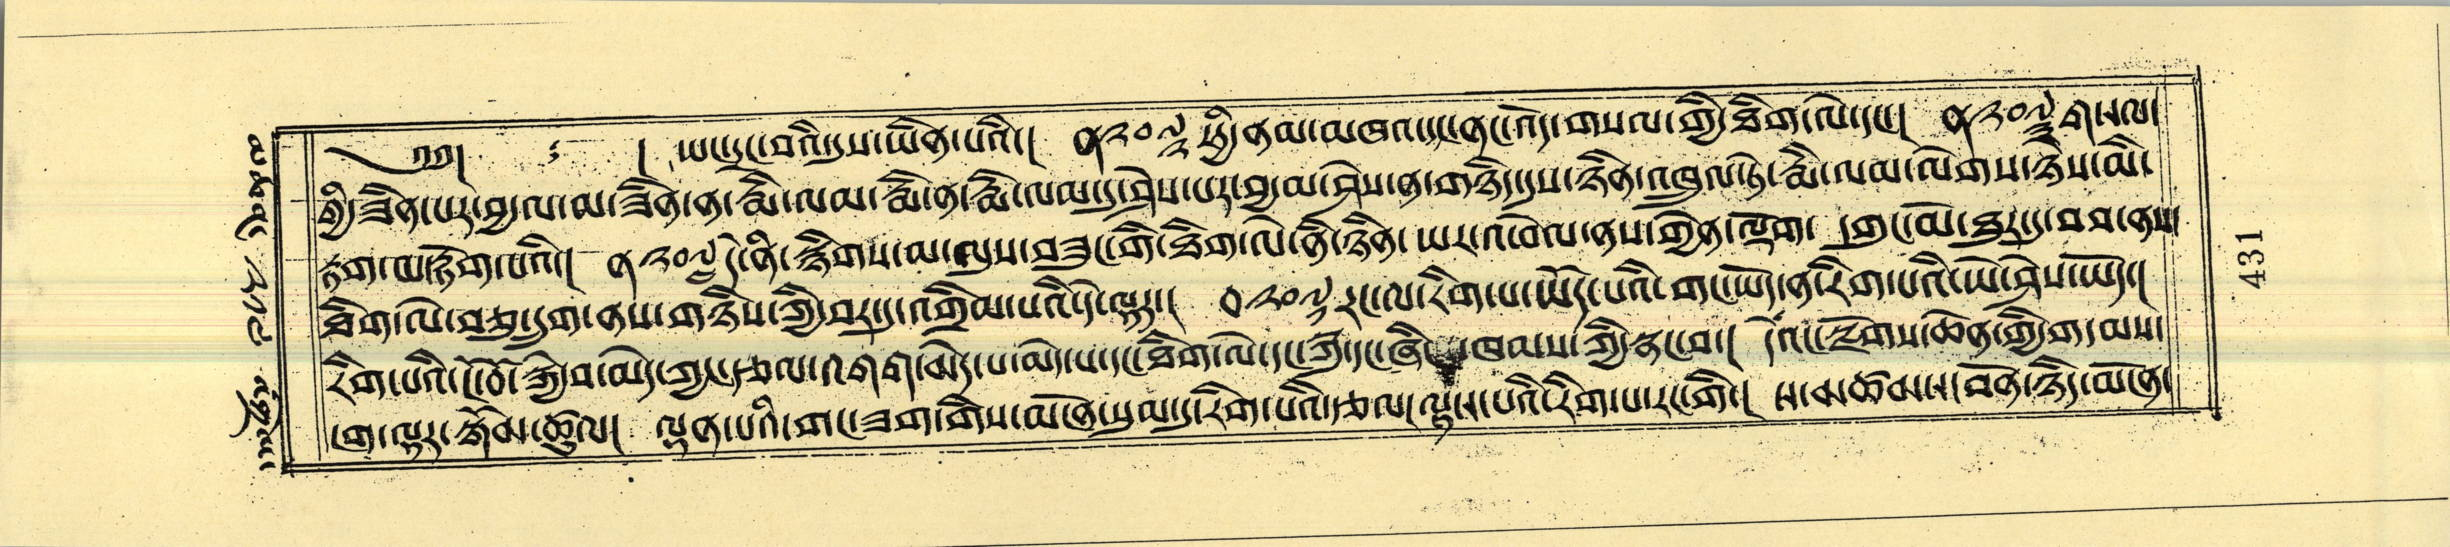ཡང་དྲང་བའི་དུས་ཡིན་པའི་ ན༢༠༧།༢ཕྱི་ནམ་མཁའ་དང་ནང་འོད་གསལ་གྱི་ཐིག་ལེ་དང་། ན༢༠༧།༣གསལ་
གྱི་ཟིན་པར་བྱ་ལ་མ་ཟིན་ན་རྨི་ལམ་རྨི་ན་རྨི་ལམ་དུ་ཤེས་པར་བྱ། མ་ཤེས་ན་གཉིད་དུས་ཉིན་འཁྲུལ་ཏེ་རྨི་ལམ་ལེགས་ཉེས་མི་
རྟག་མ་རྟོགས་པའི་ ན༢༠༧།༤ དེ་ནི་སྙིགས་མ་ལུས་བཟུང་གི་ཐིག་ལེ་ནི་ཉིན་ཡར་འཕེལ་ནས་གྱེན་ལྡོག་ དགོང་མོ་ཐུར་དུ་བབས་ནས་
ཐིག་ལེ་བཅུ་དྲུག་ནས་གཉིས་ཀྱི་བར་དུ་འགྲིམ་པའི་དེ་ལྟར་ བ༢༠༧།༡རང་ལ་རིག་པ་ཡོད་པའི་གང་ཡོད་ན་རིག་པའི་ཡེ་ཤེས་ཡོད། 
རིག་པའི་ངོ་བོ་སྐྱེ་བ་མེད་ཀྱང་རྩལ་འགག་མེད་འགག་པ་མེད་པ་དང་ཐིག་ལེ་དང་སྐུ་དང་ཞིང་ཁམས་ཀྱི་སྣང་བ། དེའང་རྫོགས་ཆེན་གྱི་གདམས་པ་
ངག་ལྟར་སྒོམ་ཚུལ་ལྡན་པའི་གང་ཟག་གིས་མངོན་སུམ་དུ་རིག་པའི་རྩལ་༼ལྟས་པའི༽རིག་པ་རང་གི་༼ས་མཚམས༽བོན་ཉིད་མངོན་